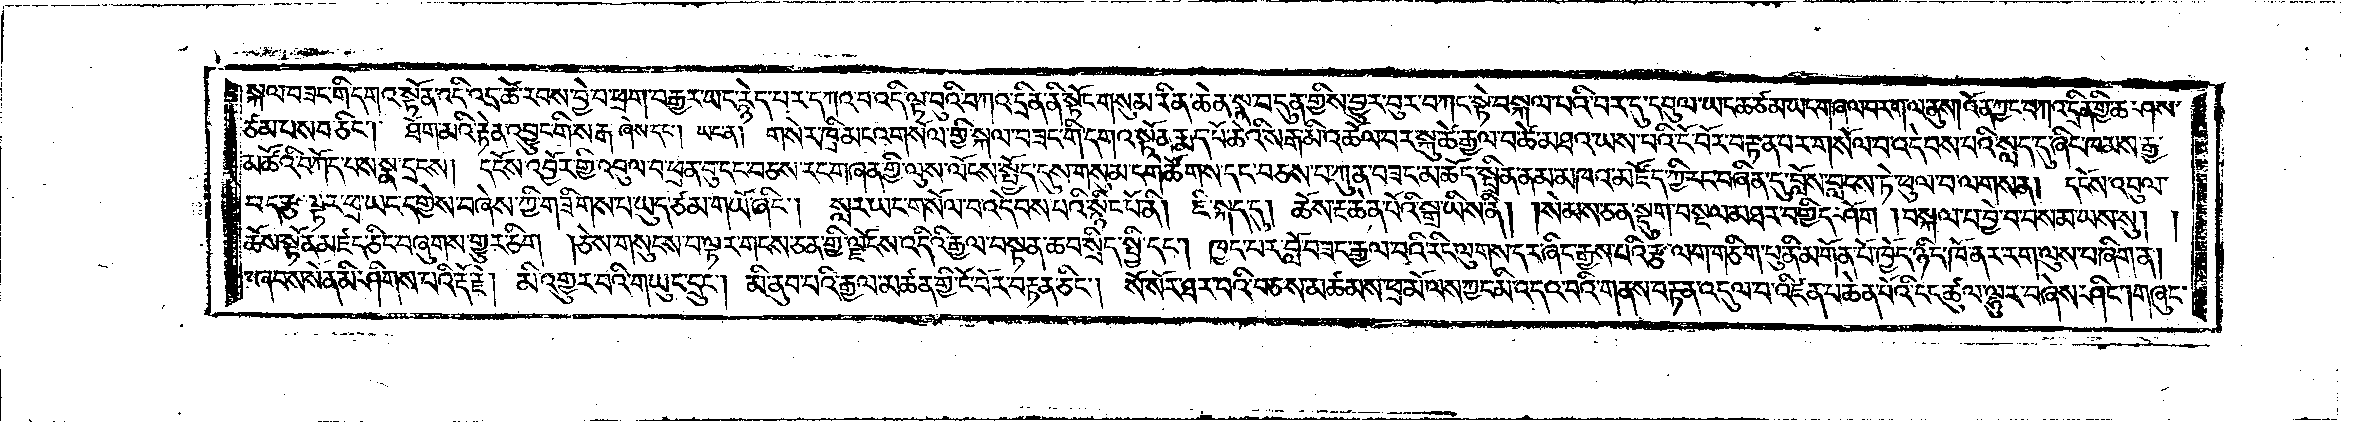སྐལ་བཟང་གི་དགའ་སྟོན་འདི་འདྲ་ཚེ་རབས་བྱེ་བ་ཕྲག་བརྒྱར་ཡང་རྙེད་པར་དཀའ་བ་འདི་ལྟ་བུའི་བཀའ་དྲིན་ནི་སྟོང་གསུམ་རིན་ཆེན་སྣ་བདུན་གྱིས་བྱུར་བུར་བཀང་སྟེ་བསྐལ་པའི་བར་དུ་དབུལ་ཡང་ཆ་ཙམ་ཡང་གཞལ་བར་གལ་ནུས། འོན་ཀྱང་བཀའ་དྲིན་གྱི་ཆ་ཤས་
ཙམ་པས་བཅིང་། ཐོག་མའི་རྟེན་འབྱུང་གིས་རྒ་ཞེས་དང་། ཡང་ན། གསེར་ཁྲིམས་མངའ་གསོལ་གྱི་སྐལ་བཟང་གི་དགའ་སྟོན་རྨད་པོ་ཆེའི་སརྒ་མི་འཆོལ་བར་སྐུ་ཚེ་རྒྱལ་བ་ཚེ་མཐའ་ཡས་པའི་ངོ་བོར་བརྟན་པར་གསོལ་བ་འདེབས་པའི་སླད་དུ་ཞིང་ཁམས་རྒྱ་
མཚོའི་བཀོད་པས་སྣ་དྲངས། །དངོས་འབྱོར་གྱི་འབུལ་བ་ཕྲན་བུ་དང་བཅས་རང་གཞན་གྱི་ལུས་ལོངས་སྤྱོད་དུས་གསུམ་དགེ་ཚོགས་དང་བཅས་པ་ཀུན་བཟང་མཆོད་སྤྲིན་ནམ་མཁའ་མཛོད་ཀྱི་རང་བཞིན་དུ་བློས་བླངས་ཏེ་ཕུལ་བ་ལགས་ན། དངོས་འབུལ་
བད་རྩ་ལྟར་ཕྲ་ཡང་དགྱེས་བཞེས་ཀྱི་གཟིགས་པ་ཡུད་ཙམ་གཡོ་ཞིང་། སླར་ཡང་གསོལ་བ་འདེབས་པའི་སྙིང་པོ་ནི། ཇི་སྐད་དུ། ཆོས་རྔ་ཆེན་པོའི་སྒྲ་ཡིས་ནི། །སེམས་ཅན་སྡུག་བསྔལ་མཐར་བགྱིད་ཤོག །བསྐལ་པ་བྱེ་པ་བསམ་ཡས་སུ། །
ཆོས་སྟོན་མཛད་ཅིང་བཞུགས་གྱུར་ཅིག །ཅེས་གསུངས་པ་ལྟར་གངས་ཅན་གྱི་ལྗོངས་འདིའི་རྒྱལ་བསྟན་ཆབ་སྲིད་སྤྱི་དང་། ཁྱད་པར་བློ་བཟང་རྒྱལ་བའི་རིང་ལུགས་དར་ཞིང་རྒྱས་པའི་རྩ་ལག་གཅིག་པུ་ནི་མགོན་པོ་ཁྱོད་ཉིད་ཁོ་ནར་རག་ལུས་པ་ཞིག་ན།
༧ཞབས་སེན་མི་ཤིགས་པའི་རྡོ་རྗེ། མི་འགྱུར་བའི་གཡུང་དྲུང་། མི་ནུབ་པའི་རྒྱལ་མཚན་གྱི་ངོ་བོར་བརྟན་ཅིང་། སོ་སོར་ཐར་བའི་བཅས་མཚམས་ཕྲ་མོ་ལས་ཀྱང་མི་འདའ་བའི་གནས་བརྟན་འདུལ་བ་འཛིན་པ་ཆེན་པོའི་ངང་ཚུལ་ལྷུར་བཞེས་ཤིང་། གཞུང་